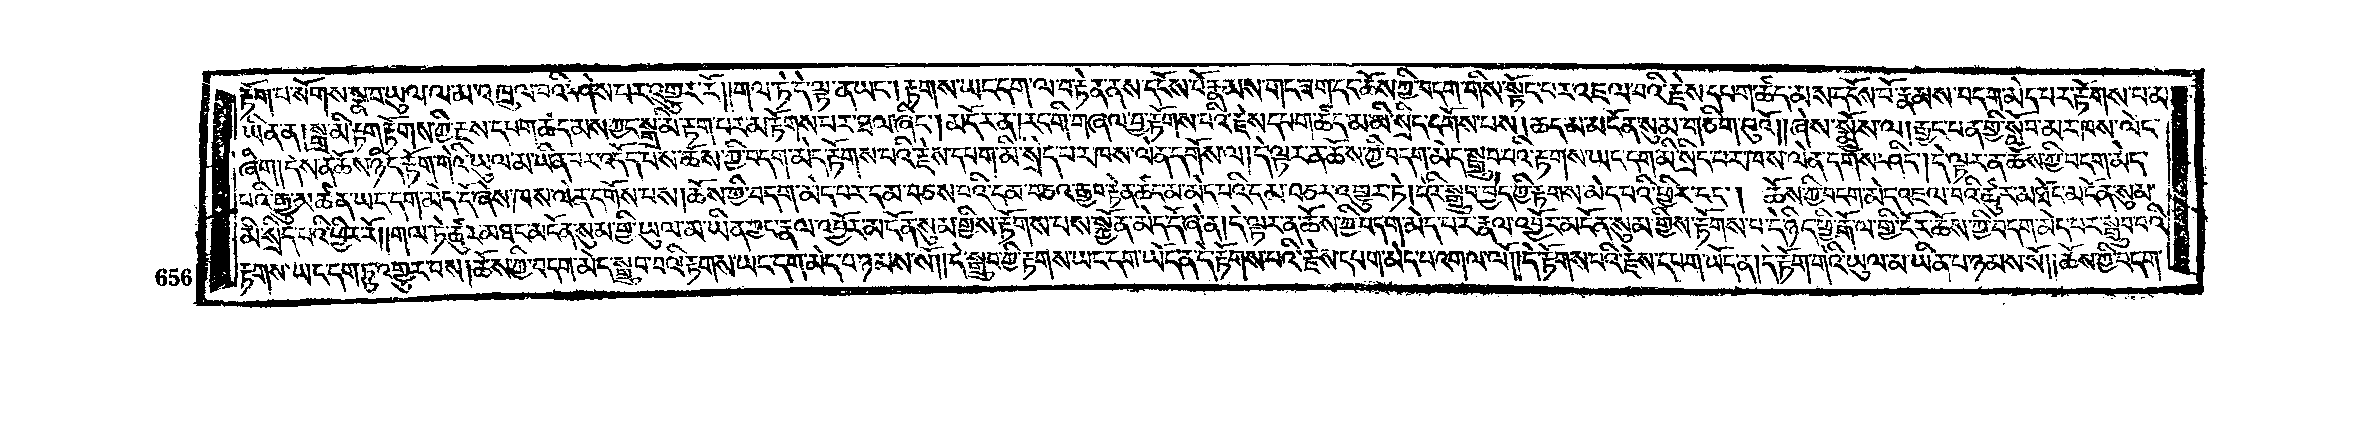རྟོག་པ་སོགས་སྣང་ཡུལ་ལ་མ་འཁྲུལ་བའི་ཤེས་པར་འགྱུར་རོ། །གལ་ཏེ་དེ་ལྟ་ན་ཡང་། རྟགས་ཡང་དག་ལ་བརྟེན་ནས་དངོས་པོ་རྣམས་གང་ཟག་དང་ཆོས་ཀྱི་བདག་གིས་སྟོང་པར་འཇལ་བའི་རྗེས་དཔག་ཚད་མས་དངོས་པོ་རྣམས་བདག་མེད་པར་རྟོགས་པ་མ་
ཡིན་ན། སྒྲ་མི་རྟག་རྟོགས་ཀྱི་རྔས་དཔག་ཚད་མས་ཀྱང་སྒྲ་མི་རྟག་པར་མ་རྟོགས་པར་ཐལ་ཞིང་། མདོར་ན། རང་གི་གཞལ་བྱ་རྟོགས་པའི་རྗེས་དཔག་ཚད་མ་མི་སྲིད་དགོས་པས། ཚད་མ་མངོན་སུམ་གཅིག་བུའོ། །ཞེས་སྨྲོས་ལ། རྒྱང་པན་གྱི་སློབ་མར་ཁས་ལེང་
ཞིག །དེས་ན་ཆོས་ཉིད་རྟོག་གེའི་ཡུལ་མ་ཡིན་པར་འདོད་པས་ཆོས་ཀྱི་བདག་མེད་རྟོགས་པའི་རྗེས་དཔག་མི་སྲིད་པར་ཁས་ལེན་དགོས་ལ། དེ་ལྟར་ན་ཆོས་ཀྱི་བདག་མེད་སྒྲུབ་པའི་རྟགས་ཡང་དག་མི་སྲིད་པར་ཁས་ལེན་དགོས་ཤིང་། དེ་ལྟར་ན་ཆོས་ཀྱི་བདག་མེད་
པའི་རྒྱུ་མཚན་ཡང་དག་མེད་དོ་ཞེས་ཁས་ལེན་དགོས་པས། ཆོས་ཀྱི་བདག་མེད་པར་དམ་བཅས་པའི་དམ་བཅའ་རྒྱབ་རྟེན་ཚད་མ་མེད་པའི་དམ་བཅར་འགྱུར་ཏེ། དེའི་སྒྲུབ་བྱེད་ཀྱི་རྟགས་མེད་པའི་ཕྱིར་དང་། ཆོས་ཀྱི་བདག་མེད་འཇལ་བའི་ཚུར་མཐོང་མངོན་སུམ་
མི་སྲིད་པའི་ཕྱིར་རོ། །གལ་ཏེ་ཚུར་མཐོང་མངོན་སུམ་གྱི་ཡུལ་མ་ཡིན་ཀྱང་རྣལ་འབྱོར་མངོན་སུམ་གྱིས་རྟོགས་པས་སྐྱོན་མེད་དོ་ཞེ་ན། དེ་ལྟར་ན་ཆོས་ཀྱི་བདག་མེད་པར་རྣལ་འབྱོར་མངོན་སུམ་གྱིས་རྟོགས་པ་དེ་ཉིད་ཕྱི་རྒོལ་གྱི་ངོར་ཆོས་ཀྱི་བདག་མེད་པར་སྒྲུབ་པའི་
རྟགས་ཡང་དག་ཏུ་འགྱུར་པས། ཆོས་ཀྱི་བདག་མེད་སྒྲུབ་པའི་རྟགས་ཡང་དག་མེད་པ་ཉམས་སོ། །དེ་སྒྲུབ་ཀྱི་རྟགས་ཡང་དག་ཡོད་ན་དེ་རྟོགས་པའི་རྗེས་དཔག་མེད་པ་འགལ་ལོ། །དེ་རྟོགས་པའི་རྗེས་དཔག་ཡོད་ན། དེ་རྟོག་གེའི་ཡུལ་མ་ཡིན་པ་ཉམས་སོ། །ཆོས་ཀྱི་བདག་